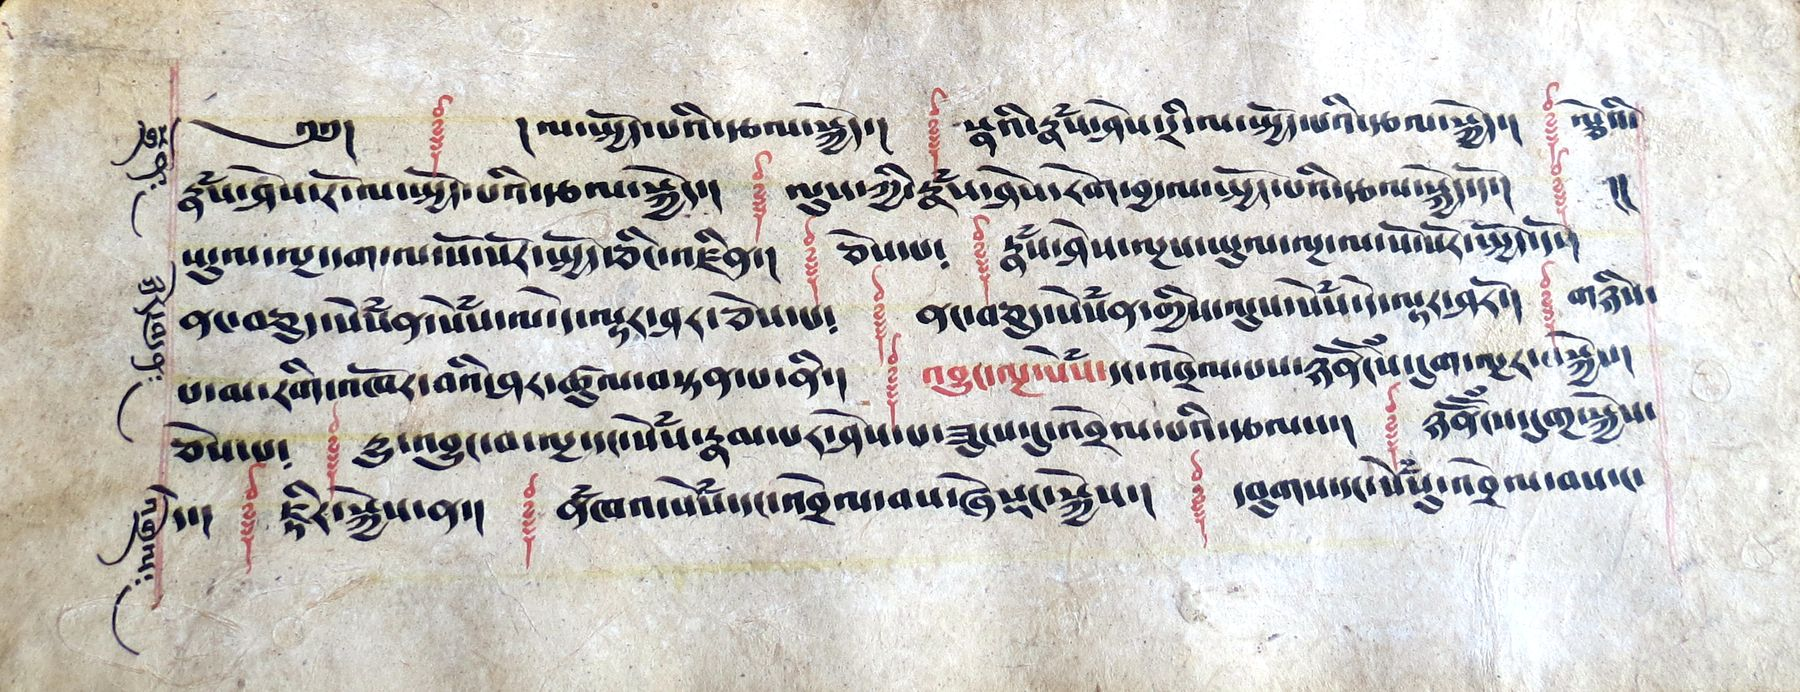ལ་སྤྱོད་པའི་རྩལ་བསྐྱེད། སྣའི་རྣམ་ཤེས་དྲི་ལ་སྤྱོད་པའི་རྩལ་བསྐྱེད། ལྕེའི་
རྣམ་ཤེས་རོ་ལ་སྤྱོད་པའི་རྩལ་བསྐྱེད། ལུས་ཀྱི་རྣམ་ཤེས་རེག་བྱ་ལ་སྤྱོད་པའི་རྩལ་བསྐྱེད་དོ། །
ཡུལ་ལྔ་དག་ལ་སོ་སོར་སྤྱོད་ཅིང་འཛིན། །ཞེས་པས། རྣམ་ཤེས་ལྔས་ཡུལ་ལྔ་ལ་སོ་སོར་སྤྱོད་དོ། །
ནང་བཅུད་སེམས་ཅན་སེམས་ལ་དེ་ལྟར་ཤར་ཅེས་པས། ནང་བཅུད་སེམས་ཅན་གྱི་ལུས་སེམས་དེ་ལྟར་ཤར་ཏོ། །གཉིས་
པ་མ་རིག་འཁོར་བའི་ཤར་ཚུལ་བསྟན་པ་ནི། འབྱུང་ལྔ་སེམས་དང་འབྲེལ་བས་ཉོན་མོངས་དུག་ལྔར་བསྐྱེད། །
ཅེས་པས། རྒྱུ་འབྱུང་བ་ལྔ་དང་སེམས་རྣམ་པར་ཤེས་པ་ཟུང་དུ་འབྲེལ་བའི་རྩལ་ལས། ཉོན་མོངས་དུག་ལྔ་བསྐྱེད
་དེ། ཇི་ལྟར་བསྐྱེད་ན། ནམ་མཁའ་སེམས་དང་འབྲེལ་བས་ཞེ་སྡང་བསྐྱེད། དབུགས་དང་སེམས་སུ་འབྲེལ་བས་